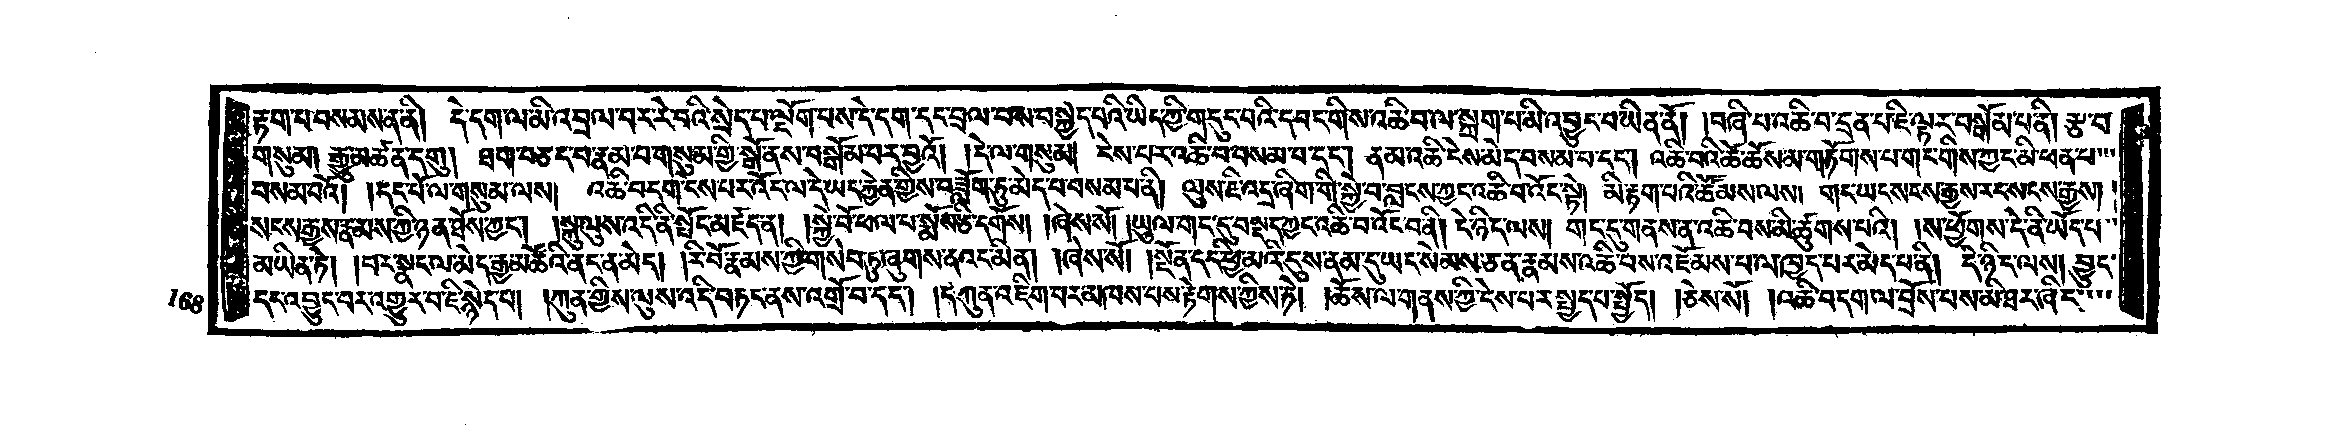རྟག་པ་བསམས་ན་ནི། དེ་དག་ལ་མི་འབྲལ་བར་རེ་བའི་སྲེད་པ་ལྡོག་པས་དེ་དག་དང་བྲལ་བས་བསྐྱེད་པའི་ཡིད་ཀྱི་གདུང་བའི་དབང་གིས་འཆི་བ་ལ་སྐྲག་པ་མི་འབྱུང་བ་ཡིན་ནོ། ?་།བཞི་པ་འཆི་བ་དྲན་པ་ཇི་ལྟར་བསྒོམ་པ་ནི། རྩ་བ་
གསུམ། རྒྱུ་མཚན་དགུ། ཐག་བཅད་པ་རྣམ་པ་གསུམ་གྱི་སྒོ་ནས་བསྒོམ་པར་བྱའོ། །དེ་ལ་གསུམ། ངེས་པར་འཆི་བ་བསམ་པ་དང་། ནམ་འཆི་ངེས་མེད་བསམ་པ་དང་། འཆི་བའི་ཚེ་ཆོས་མ་གཏོགས་པ་གང་གིས་ཀྱང་མི་ཕན་པ་
བསམ་པའོ། །དང་པོ་ལ་གསུམ་ལས། འཆི་བདག་ངེས་པར་འོང་ལ་དེ་ཡང་རྐྱེན་གྱིས་བཟློག་ཏུ་མེད་པ་བསམ་པ་ནི། ལུས་ཇི་འདྲ་ཞིག་གི་སྐྱེ་བ་བླངས་ཀྱང་འཆི་བའོང་སྟེ། མི་རྟག་པའི་ཚོམས་ལས། གང་ཡང་སངས་རྒྱས་རང་སངས་རྒྱས། །
སངས་རྒྱས་རྣམས་ཀྱི་ཉན་ཐོས་ཀྱང་། །སྐུ་ལུས་འདི་ནི་སྤོང་མཛད་ན། །སྐྱེ་བོ་ཕལ་པ་སྨོས་ཅི་དགོས། །ཞེས་སོ། །ཡུལ་གང་དུ་བསྡད་ཀྱང་འཆི་བ་འོང་བ་ནི། དེ་ཉིད་ལས། གང་དུ་གནས་ན་འཆི་བས་མི་ཚུགས་པའི། །ས་ཕྱོགས་དེ་ནི་ཡོད་པ་
མ་ཡིན་ཏེ། །བར་སྣང་ལ་མེད་རྒྱ་མཚོའི་ནང་ན་མེད། །རི་བོ་རྣམས་ཀྱི་གསེབ་ཏུ་ཞུགས་ནའང་མིན། །ཞེས་སོ། །སྔོན་དང་ཕྱི་མའི་དུས་ནམ་དུ་ཡང་སེམས་ཅན་རྣམས་འཆི་བས་འཇོམས་པ་ལ་ཁྱད་པར་མེད་པ་ནི། དེ་ཉིད་ལས། བྱུང་
དང་འབྱུང་བར་འགྱུར་བ་ཇི་སྙེད་པ། །ཀུན་གྱིས་ལུས་འདི་བཏང་ནས་འགྲོ་བ་དང་། །དེ་ཀུན་འཇིག་པར་མཁས་པས་རྟེགས་ཀྱིས་ཏེ། །ཆོས་ལ་གནས་ཀྱི་ངེས་པར་སྤྱད་པ་སྤྱོད། །ཅེས་སོ། །འཆི་བདག་ལ་བྲོས་པས་མི་ཐར་ཞིང་